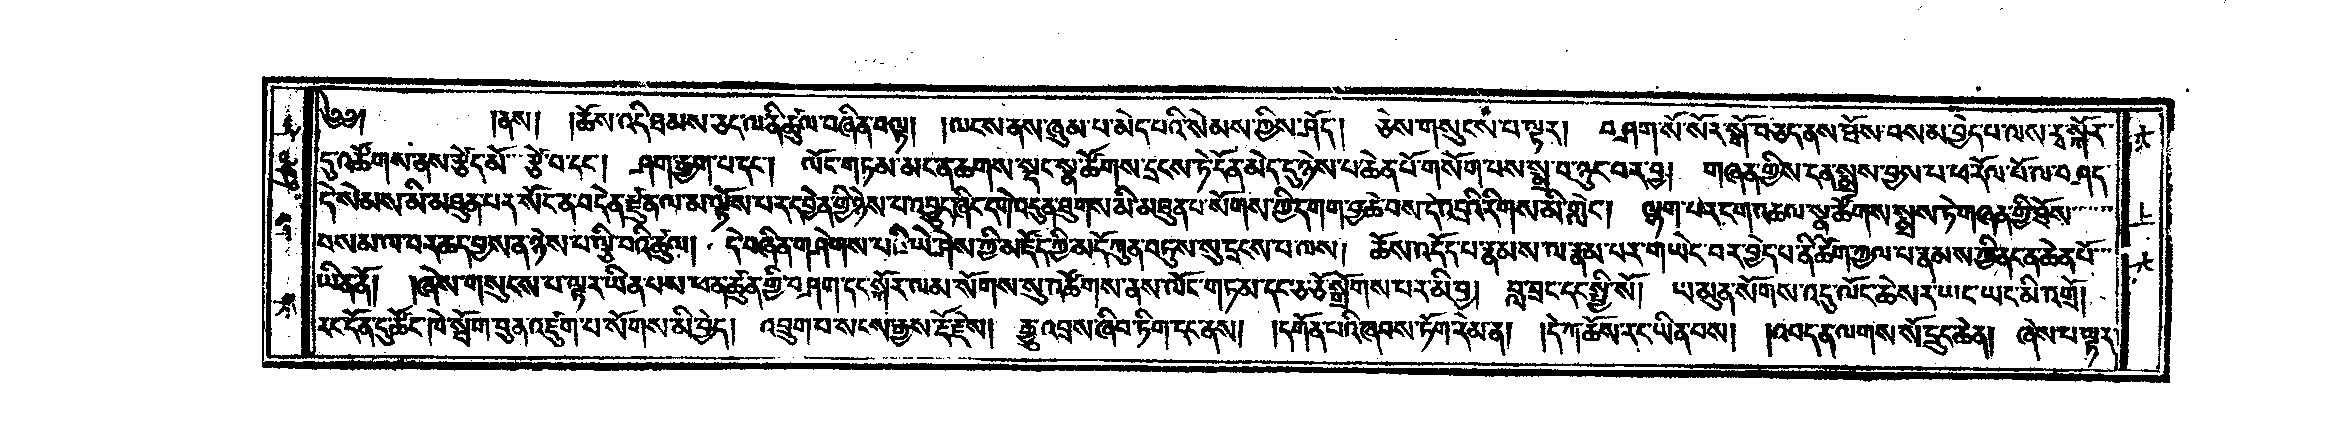༄༅། །ནས། །ཆོས་འདི་ཐམས་ཅད་ལ་ནི་ཚུལ་བཞིན་བལྟ། །ལངས་ནས་ཞུམ་པ་མེད་པའི་སེམས་ཀྱིས་ཤོད། ཅེས་གསུངས་པ་ལྟར། བཤག་སོ་སོར་སྒོ་བཅད་ནས་ཐོས་བསམ་བྱེད་པ་ལས་རྭ་སྐོར་
དུ་འཚོགས་ནས་རྩེད་མོ་རྩེ་བ་དང་། ཤག་རྒྱག་པ་དང་། ལོང་གཏམ་མང་ན་ཆགས་སྡང་སྣ་ཚོགས་དྲངས་ཏེ་དོན་མེད་དུ་ཉེས་པ་ཆེན་པོ་གསོག་པས་སྨྲ་བ་ཉུང་བར་བྱ། གཞན་གྱིས་ངན་སྨྲས་བྱས་པ་ཕ་རོལ་པོ་ལ་བཤད་
དེ་སེམས་མི་མཐུན་པར་སོང་ན་བདེན་རྫུན་ལ་མ་ལྟོས་པར་དབྱེན་གྱི་ཉེས་པ་འབྱུང་ཞིང་དགེ་འདུན་ཐུགས་མི་མཐུན་པ་སོགས་ཀྱི་དགག་བྱ་ཆེ་བས་དེ་འདྲའི་རིགས་མི་གླེང་། ལྷག་པར་ངག་འཆལ་སྣ་ཚོགས་སྨྲས་ཏེ་གཞན་གྱི་ཐོས་
བསམ་ལ་བར་ཆད་བྱས་ན་ཉེས་པ་ལྕི་བའི་ཚུལ། དེ་བཞིན་གཤེགས་པའི་ཡེ་ཤེས་ཀྱི་མཛོད་ཀྱི་མདོ་ཀུན་བཏུས་སུ་དྲངས་པ་ལས། ཆོས་འདོད་པ་རྣམས་ལ་རྣམ་པར་གཡེང་བར་བྱེད་པ་ནི་ཚིག་ཀྱལ་པ་རྣམས་ཀྱི་ནང་ན་ཆེན་པོ་
ཡིན་ནོ། །ཞེས་གསུངས་པ་ལྟར་ཡིན་པས་ཕན་ཚུན་གྱི་བཤག་དང་སྐོར་ལམ་སོགས་སུ་འཚོགས་ནས་ལོང་གཏམ་དང་ཅ་ཅོ་སྒྲོགས་པར་མི་བྱ། བླ་བྲང་དང་སྤྱི་སོ། ཡ་མུན་སོགས་འདུ་ལོང་ཆེ་སར་ཡང་ཡང་མི་འགྲོ།
རང་དོན་དུ་ཚོང་ཁེ་སྦོག་བུན་འཛུག་པ་སོགས་མི་བྱེད། འབྲུག་པ་སངས་རྒྱས་རྡོ་རྗེས། རྒྱུ་འབྲས་ཞིབ་ཏིག་ངང་ནས། །དགོན་པའི་ཞབས་ཏོག་རེམ་ན། །དེ་ཀ་ཆོས་རང་ཡིན་པས། །འབད་ན་ལགས་སོ་དྲུང་ཆེན། ཞེས་པ་ལྟར་